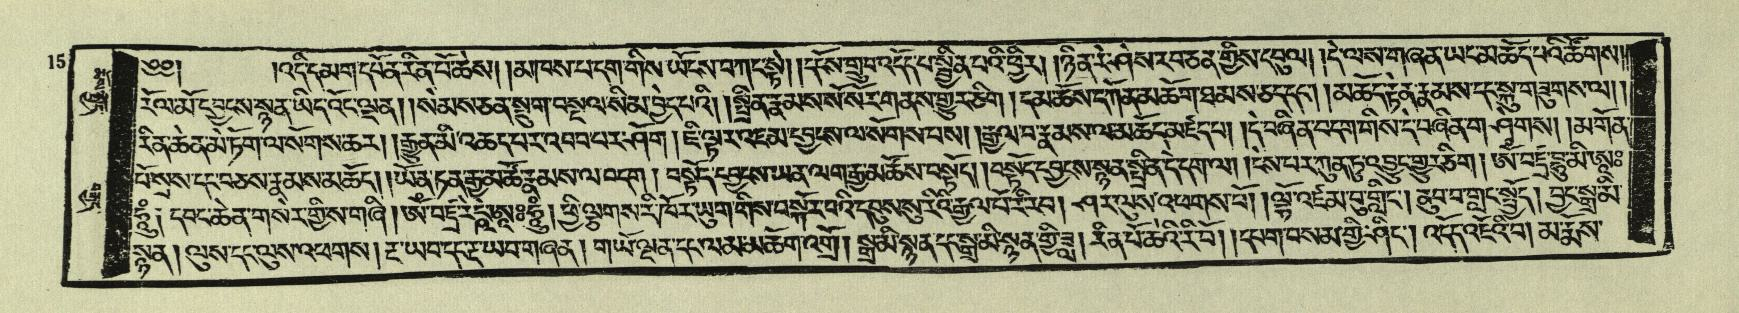༄༅། །འདི་དམག་དཔོན་རིན་པོ་ཆེས། །མཁས་པ་དག་གིས་ཡོངས་བཀང་སྟེ། །དངོས་གྲུབ་འདོད་པ་སྦྱིན་པའི་ཕྱིར། །ཉིན་རེ་ཤེས་རབ་ཅན་གྱིས་དབུལ། །དེ་ལས་གཞན་ཡང་མཆོད་པའི་ཚོགས། །
རོལ་མོ་དབྱངས་སྙན་ཡིད་འོང་ལྡན། །སེམས་ཅན་སྡུག་བསྔལ་སིམ་བྱེད་པའི། །སྤྲིན་རྣམས་སོ་སོར་གནས་གྱུར་ཅིག །དམ་ཆོས་དཀོན་མཆོག་ཐམས་ཅད་དང་། །མཆོད་རྟེན་རྣམས་དང་སྐུ་གཟུགས་ལ། །
རིན་ཆེན་མེ་ཏོག་ལ་སོགས་ཆར། །རྒྱུན་མི་འཆད་པར་འབབ་པར་ཤོག །ཇི་ལྟར་འཇམ་དབྱངས་ལ་སོགས་པས། །རྒྱལ་བ་རྣམས་ལ་མཆོད་མཛད་པ། །དེ་བཞིན་བདག་གིས་དེ་བཞིན་གཤེགས། །མགོན་
པོ་སྲས་དང་བཅས་རྣམས་མཆོད། །ཡོན་ཏན་རྒྱ་མཚོ་རྣམས་ལ་བདག །བསྟོད་དབྱངས་ཡན་ལག་རྒྱ་མཚོས་བསྟོད། །བསྟོད་དབྱངས་སྙན་སྤྲིན་དེ་དག་ལ། །ངེས་པར་ཀུན་ཏུ་འབྱུང་གྱུར་ཅིག །ཨོཾ་བཛྲ་བྷུ་མི་ཨཱཿ
ཧཱུཾ༑ དབང་ཆེན་གསེར་གྱི་ས་གཞི་།ཨོཾ་བཛྲ་རེངྵེ་ཨཱཿཧཱུཾ་།ཕྱི་ལྕགས་རི་ཁོར་ཡུག་གིས་བསྐོར་བའི་དབུས་སུ་རིའི་རྒྱལ་པོ་རི་རབ། ཤར་ལུས་འཕགས་པོ། །ལྷོ་འཛམ་བུ་གླིང་། ནུབ་བ་གླང་སྤྱོད། བྱང་སྒྲ་མི་
སྙན། ལུས་དང་ལུས་འཕགས། རྔ་ཡབ་དང་རྔ་ཡབ་གཞན། གཡོ་ལྡན་དང་ལམ་མཆོག་འགྲོ། སྒྲ་མི་སྙན་དང་སྒྲ་མི་སྙན་གྱི་ཟླ། རིན་པོ་ཆེའི་རི་བོ། །དཔག་བསམ་གྱི་ཤིང་། འདོད་འཇོའི་བ། མ་རྨོས་